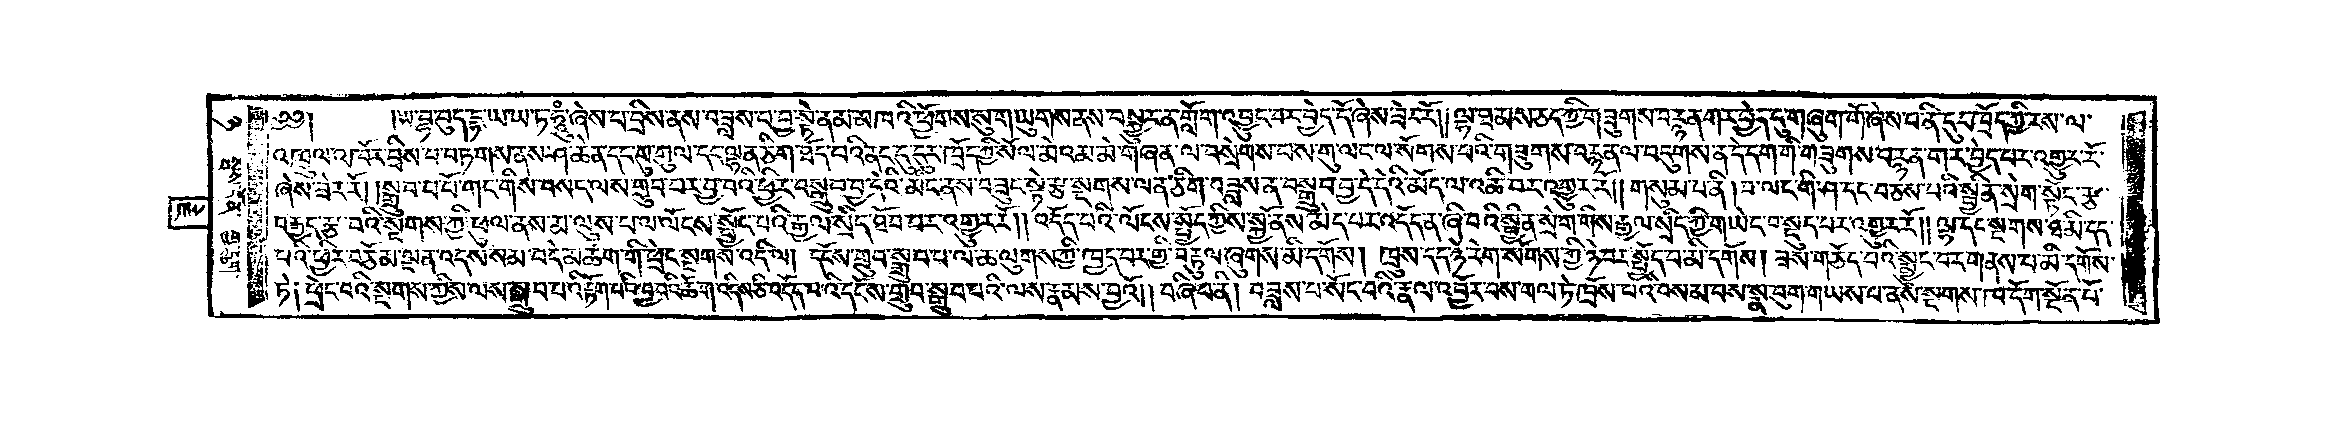༄༅། །ཡ་བྷ་བུད་དྷ་ཡ་ཡ་ཏ་ཧཱུཾ་ཞེས་པ་བྲིས་ནས་བཟླས་པ་བྱ་སྟེ་ནམ་མཁའི་ཕྱོགས་སུ་གཡུགས་ནས་བསྐྱུར་ན་གློག་འབྱུང་བར་བྱེད་དོ་ཞེས་ཟེར་རོ། །ལྷ་ཐམས་ཅད་ཀྱི་གཟུགས་བརྙན་གར་བྱེད་དུ་གཞུག་གོ་ཞེས་པ་ནི་དུར་ཁྲོད་ཀྱི་རས་ལ་
འཁྲུལ་འཁོར་བྲིས་པ་བཏགས་ནས་ཤ་ཆེན་དང་གུ་གུལ་དང་ལྷན་ཅིག་ཐོད་པའི་ནང་དུ་དུར་ཁྲོད་ཀྱི་སོལ་མེའམ་མེ་གཞན་ལ་བསྲེགས་པས་གུ་ལང་ལ་སོགས་པའི་གཟུགས་བརྙན་ལ་བདུགས་ན་དེ་དག་གི་གཟུགས་བརྙན་གར་བྱེད་པར་འགྱུར་རོ་
ཞེས་ཟེར་རོ། །སྒྲུབ་པ་པོ་གང་གིས་བསད་ལས་གྲུབ་པར་བྱ་བའི་ཕྱིར་བསྒྲུབ་བྱ་དེའི་མིང་ནས་བཟུང་སྟེ་རྩ་སྔགས་ལན་ཅིག་བཟླས་ན་བསྒྲུབ་བྱ་དེ་དེའི་མོད་ལ་འཆི་བར་འགྱུར་རོ། །གསུམ་པ་ནི། བ་ལང་གི་ཤ་དང་བཅས་པའི་སྦྱིན་སྲེག་སྟོང་རྩ་
བརྒྱད་རྩ་བའི་སྔགས་ཀྱི་ཕུལ་ནས་མ་ལུས་པ་ལ་ལོངས་སྤྱོད་པའི་རྒྱལ་སྲིད་ཐོབ་པར་འགྱུར་རོ། །འདོད་པའི་ལོངས་སྤྱོད་ཀྱིས་སྐྱོ་ནས་མེད་པར་འདོད་ན་ཞི་བའི་སྦྱིན་སྲེག་གིས་རྒྱལ་སྲིད་ཀྱི་གཡེང་བ་སྡུད་པར་འགྱུར་རོ། །ལྷ་དང་སྔགས་ཐ་མི་དད་
པའི་ཕྱིར་བཅོམ་ལྡན་འདས་སམ་བདེ་མཆོག་གི་ཕྲེང་སྔགས་འདི་ལ། དངོས་གྲུབ་སྒྲུབ་པ་ལ་ཆ་ལུགས་ཀྱི་ཁྱད་པར་གྱི་བརྟུལ་ཞུགས་མི་དགོས། ཁྲུས་དད་ཉེ་རེག་སོགས་ཀྱི་ཉེ་བར་སྤྱོད་པ་མི་དགོས། ཟས་གཅོད་པའི་སྨྱུང་བར་གནས་པ་མི་དགོས་
ཏེ། ཕྲེང་བའི་སྔགས་ཀྱིས་ལས་སྒྲུབ་པའི་རྟོག་པའི་བྱ་བའི་ཆོ་ག་འདིས་ཅི་འདོད་པའི་དངོས་གྲུབ་སྒྲུབ་པའི་ལས་རྣམས་བྱའོ། །བཞི་པ་ནི། བཟླས་པ་སོང་བའི་རྣལ་འབྱོར་པས་གལ་ཏེ་ཁྲོས་པའི་བསམ་པས་སྣ་བུག་གཡས་པ་ནས་སྔགས་ཁ་དོག་སྔོན་པོ་